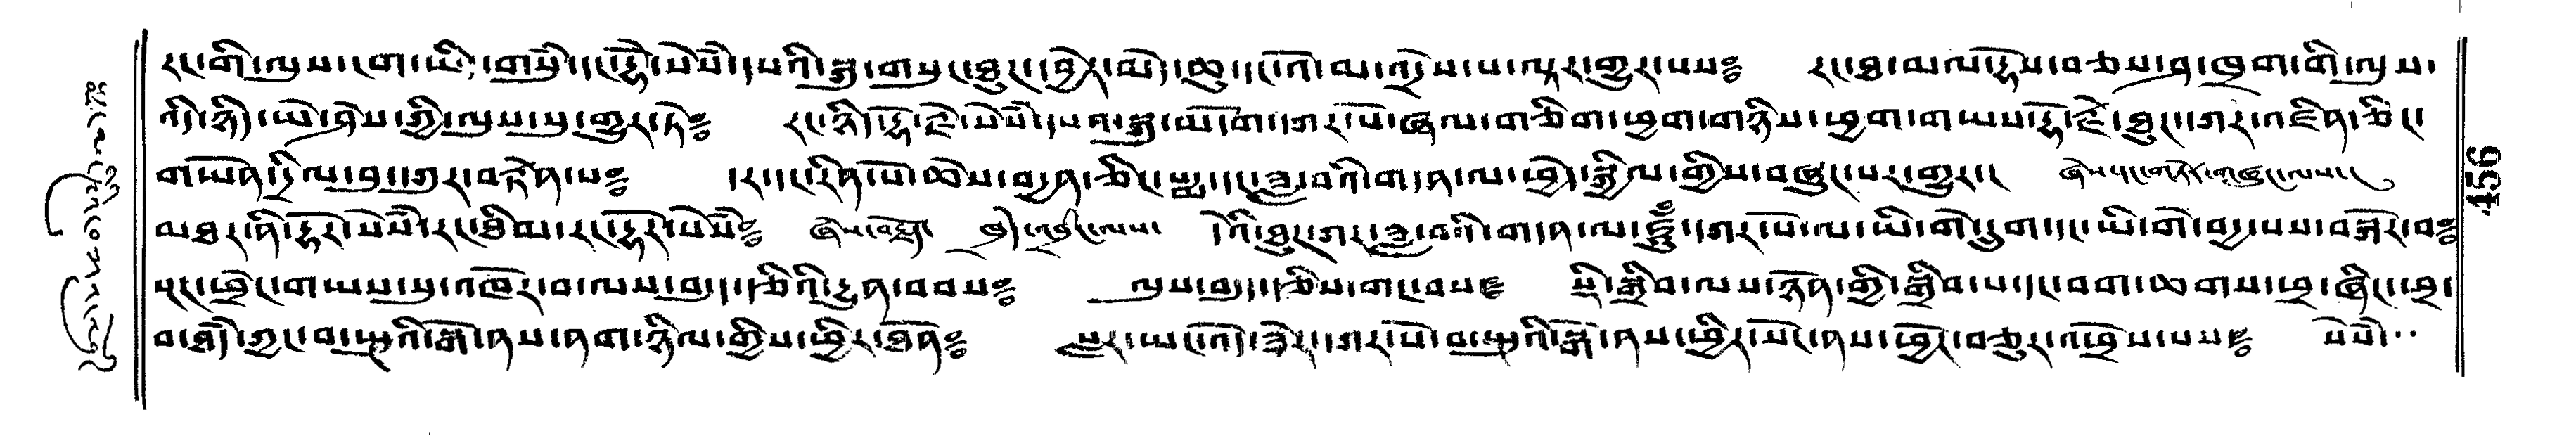རང་གི་ལུས་ངག་ཡིད་གསུམ་དང་རྡོ་རྗེ་སེམས་དཔའི་སྐུ་གསུང་ཐུགས་དབྱེར་མེད་ཆུ་དང་འོ་མ་འདྲེས་པ་ལྟར་གྱུར་པས༔ རང་ཐ་མལ་གདོས་བཅས་ཤ་ཁྲག་གི་ལུས་
འདི་ཉིད་ཡེ་ཤེས་ཀྱི་ལུས་སུ་གྱུར་ཏེ༔ རང་ཉིད་རྡོ་རྗེ་སེམས་དཔའ་སྐུ་མདོག་ཀར་པོ་ཞལ་གཅིག་ཕྱག་གཉིས་ཕྱག་གཡས་རྡོ་རྗེ་ཐུགས་དཀར་འཛིན་ཅིང་
གཡོན་དྲིལ་བུ་དཀུར་བརྟེན་པ༔དར་དང་རིན་པོ་ཆེས་བརྒྱན་ཅིང་པདྨ་དང་ཟླ་བའི་གདན་ལ་ཕྱེད་སྐྱིལ་གྱིས་བཞུགས་པར་གྱུར༔ ཅེས་དང་གཏེར་གཞུང་ལས། 
མཐར་ནི་རྡོར་སེམས་རང་ཐིམ་རང་རྡོར་སེམས༔ ཞེས་བརྗོད། ཁྲིད་འབྲིང་ལས། དེའི་ཐུགས་ཀར་ཟླ་བའི་གདན་ལ་ཧཱུྃ་དཀར་པོ་ལ་ཡི་གེ་དྲུག་དང་ཡི་གེ་བརྒྱ་པས་བསྐོར་བ༔ 
སྔགས་ཕྲེང་གཡས་སུ་འཁོར་བ་ལས་བདུད་རྩིའི་རྒྱུན་བབས༔ ལུས་བདུད་རྩིས་གང་བས༔ སྡིག་སྒྲིབ་ལས་ཉོན་གྱི་སྒྲིབ་པ་དང་བག་ཆགས་ཕྲ་ཞིང་ཕྲ་
བ་ཐམས་ཅད་ཀྱང་བ་སྤུའི་སྒོ་ནས་ནག་ཉིལ་གྱིས་ཕྱིར་ཐོན༔ སླར་ཡང་འོད་ཟེར་དཀར་པོ་བ་སྤུའི་སྒོ་ནས་ཕྱིར་སོང་ནས་ཕྱོགས་བཅུར་འཕྲོས་པས༔ སེམས་